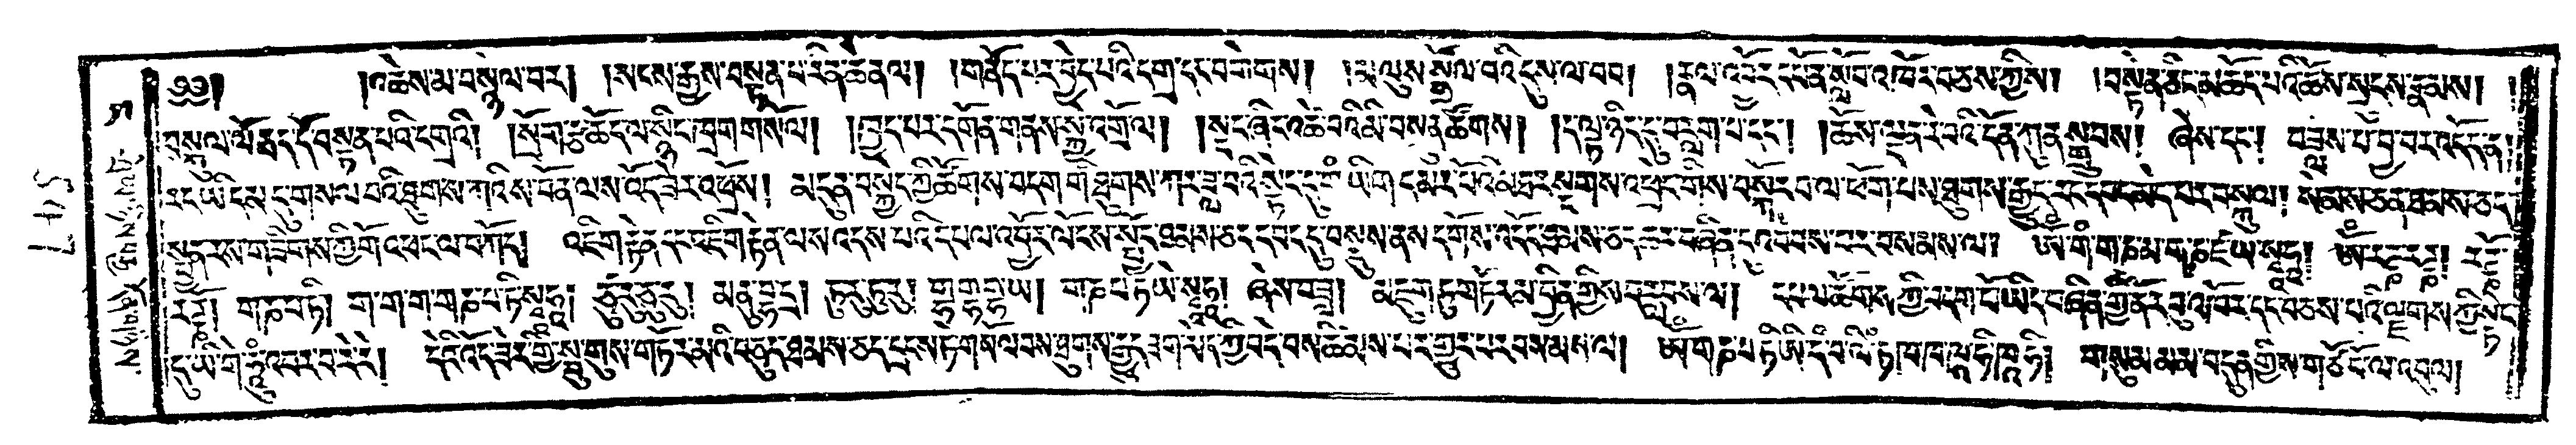༄༅། །འཆེས་མ་བསྙེལ་བར། །སངས་རྒྱས་བསྟན་པ་རིན་ཆེན་ལ། །གནོད་པར་བྱེད་པའི་དགྲ་དང་བགེགས། །མ་ལུས་སྒྲོལ་བའི་དུས་ལ་བབ། །རྣལ་འབྱོར་དཔོན་སློབ་འཁོར་བཅས་ཀྱིས། །བསྟེན་ཅིང་མཆོད་པའི་ཆོས་སྲུངས་རྣམས། །
བསྐུལ་ལོ་རྦད་དོ་བསྟན་པའི་དགྲའི། །སྲོག་རྩ་ཆོད་ལ་སྙིང་ཁྲག་གསོལ། །ཁྱད་པར་དགོན་གནས་སྐྱེ་འགྲོ་ལ། །སྡང་ཞིང་འཚེ་བའི་མི་བསྲུན་ཚོགས། །ད་ལྟ་ཉིད་དུ་བརླག་པ་དང་། །ཆོས་ལྡན་རེ་བའི་དོན་ཀུན་སྒྲུབས། ཞེས་དང་། བཟླས་པ་བྱ་བར་འདོད་ན། །
རང་ཡི་དམ་དུ་གསལ་བའི་ཐུགས་ཀའི་ས་བོན་ལས་འོད་ཟེར་འཕྲོས། མདུན་བསྐྱེད་ཀྱི་ཚོགས་བདག་གི་ཐུགས་ཀར་ཟླ་བའི་སྟེང་དུ་གཾ་ཡིག་དམར་པོའི་མཐར་སྔགས་འཕྲེང་གིས་བསྐོར་བ་ལ་ཕོག་པས་ཐུགས་རྒྱུད་རང་དབང་མེད་པར་བསྐུལ། སེམས་ཅན་ཐམས་ཅད་
སྤྱན་རས་གཟིགས་ཀྱི་གོ་འཕང་ལ་བཀོད། འཇིག་རྟེན་དང་འཇིག་རྟེན་ལས་འདས་པའི་དཔལ་འབྱོར་ལོངས་སྤྱོད་ཐམས་ཅད་དབང་དུ་བསྡུས་ནས་དགོས་འདོད་ཐམས་ཅད་ཆར་བཞིན་དུ་འབེབས་པར་བསམས་ལ། ཨོཾ་གཾ་ག་ཎ་མ་ག་ཎ་ཛ་ཡ་སྭཱཧཱ། ཨོཾ་རཌྞ་རཌྞ། རཌྞོ་
རཌྞོ། ག་ཎ་པ་ཏི། ག་ག་ག་ག་ཎ་པ་ཏི་སྭཱཧཱ། ཙུ་རུ་ཅུ་རུ། མ་ནུ་བྷ་དྲ། ཏུ་རུ་ཏུ་རུ། གྷ་གྷ་གྷ་ཡ། ག་ཎ་པ་ཏ་ཡེ་སྭཱཧཱ། ཞེས་བཟླ། མཇུག་ཏུ་གཏོར་མ་བྱིན་གྱིས་བརླབས་ལ། དཔལ་ཚོགས་ཀྱི་བདག་པོ་ཡིད་བཞིན་གྱི་ནོར་བུ་འཁོར་དང་བཅས་པའི་ལྗགས་ཀྱི་སྟེང་
དུ་ཡི་གེ་ཧཱུཾ་འབར་བ་རེ་རེ། དེའི་འོད་ཟེར་གྱི་སྦུ་གུས་གཏོར་མའི་བཅུད་ཐམས་ཅད་དྲངས་ཏེ་གསོལ་བས་ཐུགས་རྒྱུད་ཟག་མེད་ཀྱི་བདེ་བས་ཚིམས་པར་གྱུར་པར་བསམས་ལ། ཨོཾ་ག་ཎ་པ་ཏི་ཨི་དཾ་བ་ལིཾ་ཏ་ཁ་ཁ་ཁཱ་ཧི་ཁཱ་ཧི། གསུམ་མམ་བདུན་གྱིས་གཙོ་བོ་ལ་འབུལ།